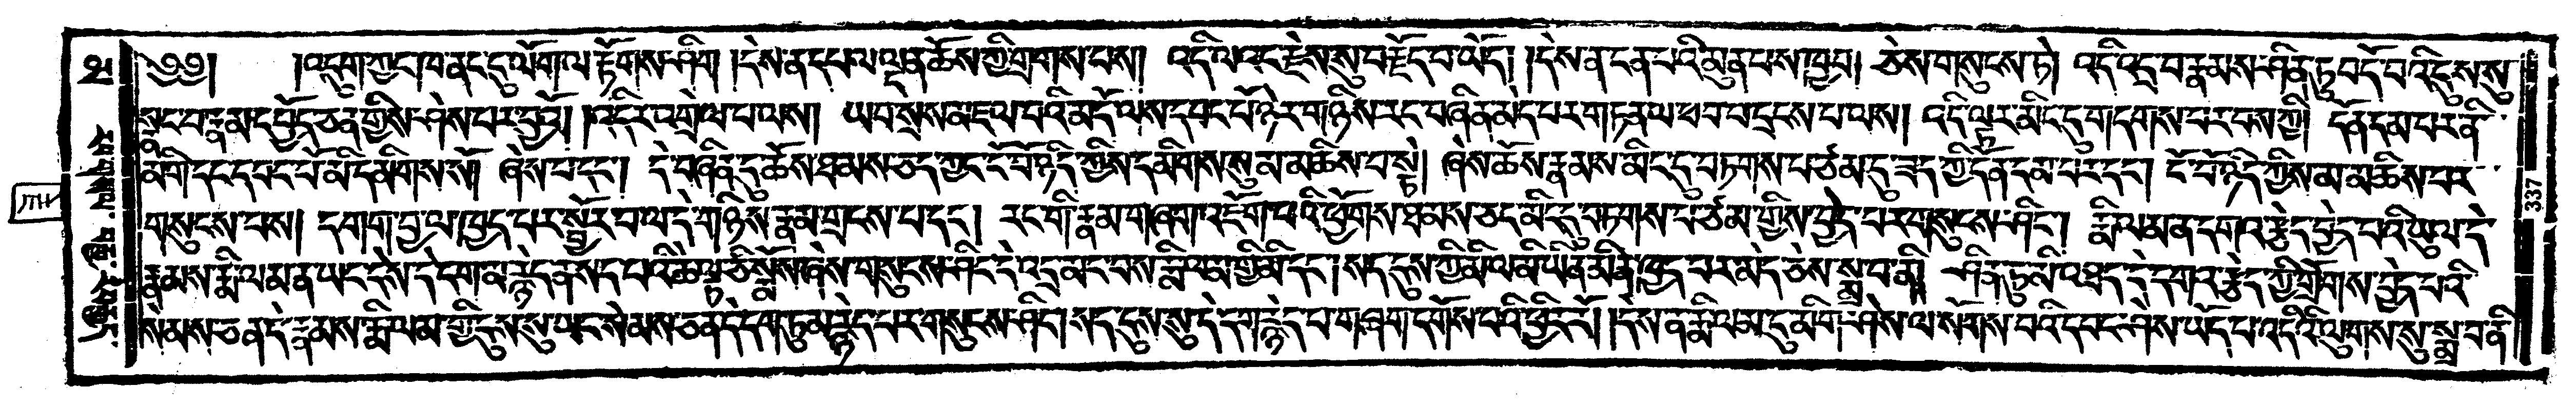༄༅། །འདུག་ཀྱང་ཁ་ནང་དུ་ལོག་ལ་རྟོགས་ཤིག །དེ་ནས་དཔལ་ལྡན་ཆོས་ཀྱི་གྲགས་པས། འདི་ལའང་རྗེས་སུ་བརྗོད་པ་ཡོད། །དེས་ན་ངན་པའི་མུན་པས་ཁྱབ། ཅེས་གསུངས་ཏེ། འདི་འདྲ་བ་རྣམས་ཤིན་ཏུ་བདོ་བའི་དུས་སུ་
སྣང་བ་རྣམ་དཔྱོད་ཅན་གྱིས་ཤེས་པར་བྱའོ། །འདིར་འགྲེལ་པ་ལས། ཡབ་སྲས་མཇལ་བའི་མདོ་ལས་དབང་པོ་ཉེར་གཉིས་རང་བཞིན་མེད་པར་གཏན་ལ་ཕབ་པ་དྲངས་པ་ལས། འདི་ལྟར་མིང་དུ་གདགས་པར་བས་ཀྱི། དོན་དམ་པར་ནི་
མིག་དང་དབང་པོ་མི་དམིགས་སོ། ཞེས་པ་དང་། དེ་བཞིན་དུ་ཆོས་ཐམས་ཅད་ཀྱང་ངོ་བོ་ཉིད་ཀྱིས་དམིགས་སུ་མ་མཆིས་པ་སྟེ། ཞེས་ཆོས་རྣམས་མིང་དུ་བཏགས་པ་ཙམ་དུ་ཟད་ཀྱི་དོན་དམ་པར་དང་། ངོ་བོ་ཉིད་ཀྱིས་མ་མཆིས་པར་
གསུངས་པས། དགག་བྱ་ལ་ཁྱད་པར་སྦྱོར་བ་ལ་དེ་གཉིས་རྣམ་གྲངས་པ་དང་། རང་གི་རྣམ་གཞག་འཇོག་པའི་ཕྱོགས་ཐམས་ཅད་མིང་དུ་བཏགས་པ་ཙམ་གྱིས་བྱེད་པར་གསུངས་ཤིང་། རྨི་ལམ་ན་དགའ་རྩེད་བྱེད་པའི་ཡུལ་དེ་
རྣམས་རྨི་ལམ་ན་ཡང་དེས་དེ་དག་མ་རྙེད་ན་སད་པའི་ཚེ་ལྟ་ཅི་སྨོས་ཞེས་གསུངས་ཤིང་དེ་འདྲ་མང་བས་རྨི་ལམ་གྱི་མི་དང་། སད་དུས་ཀྱི་མི་ལ་མི་ཡིན་མིན་ཁྱད་པར་མེད་ཅེས་སྨྲ་བ་ནི། ཤིན་ཏུ་མི་འཐད་དེ་དགའ་རྩེད་ཀྱི་གྲོགས་བྱེད་པའི་
སེམས་ཅན་དེ་རྣམས་རྨི་ལམ་གྱི་དུས་སུ་ཡང་སེམས་ཅན་དེ་དག་ཏུ་མ་རྙེད་པར་གསུངས་ཤིང་། སད་དུས་སུ་དེ་དག་རྙེད་པ་གཞག་དགོས་པའི་ཕྱིར་རོ། །དེས་ན་རྨི་ལམ་དུ་མིག་ཤེས་ལ་སོགས་པའི་དབང་ཤེས་ཡོད་པ་འདིའི་ལུགས་སུ་སྨྲ་བ་ནི་